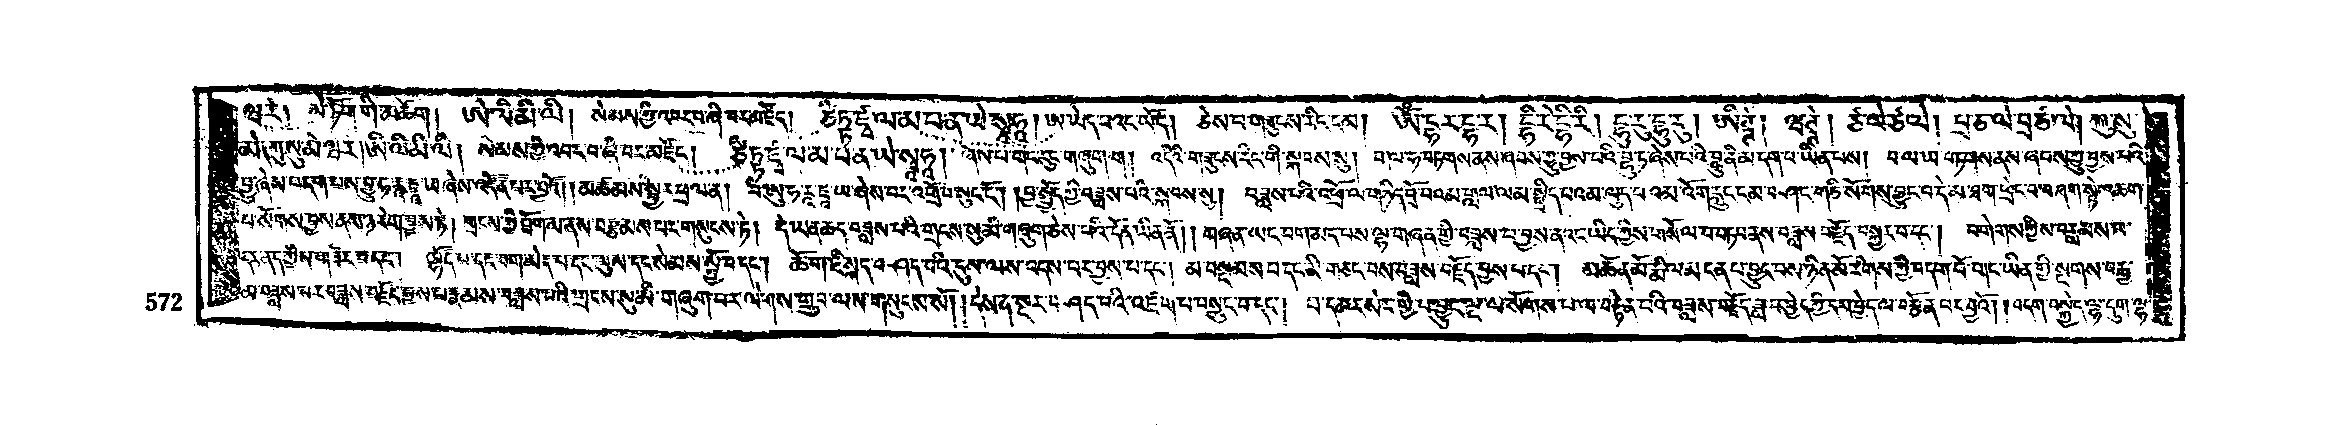ཝ་རེ། མེ་ཏོག་གི་མཆོག ། ཨི་ལི་མི་ལི། སེམས་ཀྱི་འབར་བ་ཞི་བར་མཛོད། ཙིཏྟ་ཛྭ་ལ་མ་པ་ན་ཡེ་སྭཱཧཱ། ཨ་ཡིད་པའང་ཡོད། ཅེས་པ་གཟུངས་རིང་ངམ། ཨོཾ་དྷར་དྷ་ར། དྷི་རི་དྷི་རི། དྷུ་རུ་དྷུ་རུ། ཨི་ཊྚེ། ཝ་ཊྚེ། ཙ་ལེ་ཙ་ལེ། པྲ་ཙ་ལེ་པྲ་ཙ་ལེ། ཀུ་སུ་
མེ། ཀུ་སུ་མི་ཝ་རེ། ཨི་ལི་མི་ལེ། སེམས་ཀྱི་འབར་བ་ཞི་བར་མཛོད། ཙི་ཏྟ་ཛྭ་ལ་མ་པ་ན་ཡེ་སྭཱ་ཧཱ། ཞེས་པ་གང་རུང་གཞུག་ལ། འདིའི་གཟུངས་རིང་གི་སྐབས་སུ། བལ་བལ་ཧ་བཏགས་ནས་ཞབས་ཀྱུ་བྱས་པའི་བྷུ་ཏ་ཞེས་པའི་བྷུ་ནི་མ་དག་པ་ཡིན་པས། བལ་ཡ་བཏགས་ནས་ཞབས་ཀྱུ་བྱས་པའི་
བྱུ་ཞེས་པ་དག་པས་བྱུ་ཧ་རཱ་ཛཱ་ཡ་ཞེས་འདོན་པར་བྱའོ། །མཚམས་སྦྱོར་ཕྲལ་ན། བི་ཨུ་ཧ་རཱ་ཛའ་ཡ་ཞེས་པར་འགྲོ་གསུང་ངོ། །བྱ་སྤྱོད་ཀྱི་བཟླས་པའི་སྐབས་སུ། བཟླས་པའི་འཕྲོ་ལ་གཉིད་བྲོ་བའཾ་གླལ་ལམ་སྤྲིད་པའམ་ལུད་པ་ངམ་འོག་རླུང་ངམ་བཤད་གཅི་སོགས་བྱུང་བ་དེ་མ་ཐག་ཕྲེང་བ་ལ་ཞག་སྟེ་འཆག་
པ་སོགས་བྱས་ནས་ཉེ་རིག་བྱས་ཏེ། གྲངས་ཀྱི་ཐོག་མ་ནས་བརྩམས་པར་གསུངས་ཏེ། དེ་ཡན་ཆད་བཟླས་པའི་གངས་སུ་མི་གཞུག་ཅེས་པའི་དོན་ཡིན་ནོ། །གཞན་ཡང་བག་མེད་པས་ལྷ་གཞན་གྱི་བཟླས་པ་བྱས་ནའང་ཡིད་ཀྱིས་གསོལ་བ་བཏབ་ནས་བཟླས་བརྗོད་བསྐྱར་བ་དང་། བགེགས་ཀྱིས་བརླམས་པ་
དང་ནད་ཀྱིས་གཟེར་བ་དང་། ལྷོད་པ་དང་བག་མེད་པ་དང་ལུས་དང་སེམས་སྐྱོ་བ་དང་། ཆོ་ག་ཇི་སྐད་བཤད་པའི་དུས་ལས་འདས་པར་བྱས་པ་དང་། མ་བསྡམས་པ་དང་མི་གཙང་བས་བཟླས་བརྗོད་བྱས་པ་དང་། མཚན་མོ་རྨི་ལམ་ངན་པ་བྱུང་བས་ཉིན་མོ་རིགས་ཀྱི་བདག་པོ་གང་ཡིན་གྱི་སྔགས་བརྒྱ་
མ་བཟླས་པར་བཟླས་བརྗོད་བྱས་པ་རྣམས་བཟླས་པའི་གྲངས་སུ་མི་གཞུག་པར་ལེགས་གྲུབ་ལས་གསུངས་སོ། །དེས་ན་སྔར་བཤད་པའི་འཛག་པ་བསྲུང་བ་དང་། བ་དམར་སེར་གྱི་པ་བྱུང་ལྷ་ལ་སོགས་པ་ལ་བརྟེན་པའི་བཟླས་བརྗོད་ཟླ་བ་ཕྱེད་ཀྱི་བདག་བྱེད་ལ་བརྩོན་པར་བྱའོ། །བདག་བསྐྱེད་ལྷ་དྲུག་ལྟ་